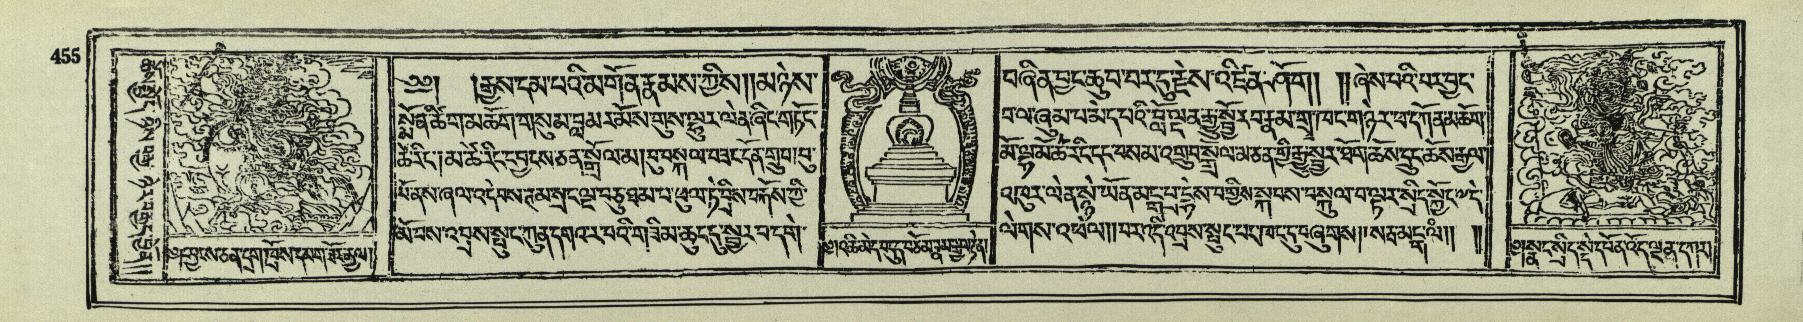༄༅། །རྒྱས་དམ་པའི་མགོན་རྣམས་ཀྱིས། །མཉེས་བཞིན་བྱང་ཆུབ་བར་དུ་རྗེས་འཛིན་ཤོག། །།ཞེས་པའི་པར་བྱང་
སྨོན་ཚིག་མཆོག་གསུམ་བླ་མར་མོས་གུས་ལྷུར་ལེན་ཞིང་གཏོང་བ་ལ་ཞུམ་པ་མེད་པའི་བློ་ལྡན་རྒྱུ་སྦྱོར་བ་རྣམ་གྲྭ་ཁང་གཉེར་པ་དཀོན་མཆོག་
ཚེ་རིང་། མ་ཚེ་རིང་དབྱངས་ཅན་སྒྲོལ་མ། བུ་བསྐལ་བཟང་དོན་གྲུབ། བུ་མོ་ལྷ་མོ་ཚེ་རིང་དང་བསམ་འགྲུབ་སྒྲོལ་མ་ཅན་གྱི་རྒྱུ་སྦྱར་ཐོག་ཆོས་དྲུང་ཆོས་རྒྱལ་
པོ་ནས་ཞལ་འདེབས་ཊམ་སྲང་ལྔ་བཅུ་ཐམ་པ་ཕུལ་ཏེ་བྲིས་བརྐོས་ཀྱི་འཁུར་ལེན་སྙེ་ཡོན་མང་པྲ་དྷེས་བགྱིས་སྐབས་བསྐུལ་བ་ལྟར་སྲིད་སྐྱོང ༧་དེ་
མོ་བས་འབྲས་སྤུང་ཀུན་དགའ་ར་བའི་གཟིམ་ཆུང་དུ་སྦྱར་བ་དགེ་ལེགས་འཕེལ། །བར་འདེ་འབྲས་སྤུང་བར་ཁང་དུ་བཞུགས། །སརྦ་མངག་ལཾ།། །།
འ། དབྱངས་ཅན་དྲག་ཁྲོས་དམག་ཟོར་རྒྱལ། འ།འཆི་མེད་བདུད་བཅོམ་རྣམ་རྒྱལ་རྟེན། འ།རྣང་སྲིད་སྡེ་དཔོན་འོད་ལྡན་དཀར་
༄༅། །སེར་སྨད་ཐོས་བསམ་ནོར་གླིང་གྲྭ་ཚང་གི་ཐུན་མོང་མ་ཡིན་པའི་ཉེ་མཁོ་ཆོས་སྤྱོད་བཞུགས་སོ།། །།